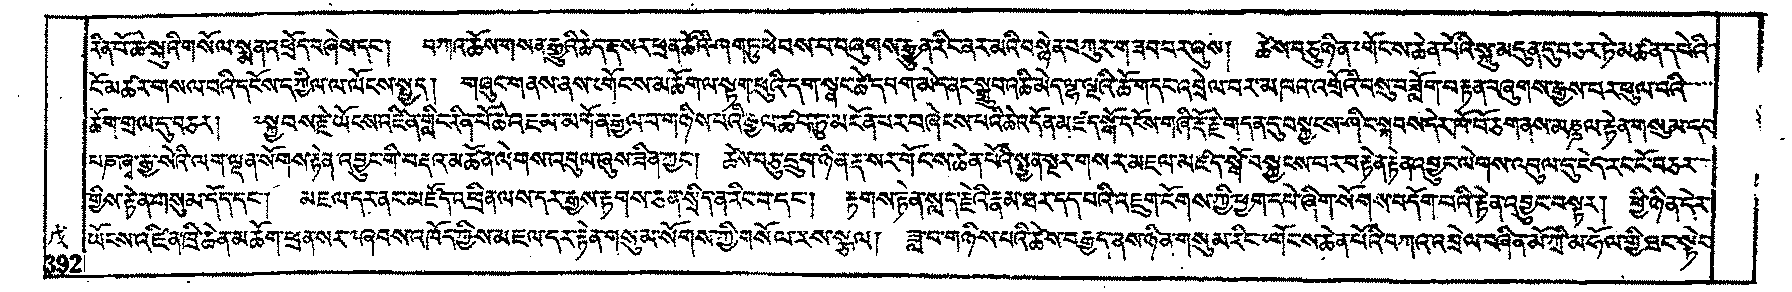་རིན་པོ་ཆེ་སྐུའི་གསོལ་སྨན་འཕྲོད་བཞེས་དང་། བཀའ་ཆོས་གསན་རྒྱུའི་ཆེད་རྡ་སར་ཕྲན་ཚོའི་ཤག་ཏུ་ཕེབས་པ་བཞུགས་རྒྱུན་རིང་ནར་མའི་བསྙེན་བཅུར་གཟབ་པར་ཞུས། ཚེས་བཅུ་ཉིན་༧གོང་ས་ཆེན་པོའི་སྐུ་མདུན་དུ་བཅར་ཏེ་མཚན་དཔེའི་
ངོ་མཚར་གསལ་བའི་དངོས་དཀྱིལ་ལ་ལོངས་སྤྱད། གཞུང་གནས་ནས་༧གོང་ས་མཆོག་ལ་སྟག་ཕེའི་དག་སྣང་ཚེ་དཔག་མེད་ནང་སྒྲུབ་འཆི་མེད་ལྷ་ལྔའི་ཆོ་ག་དང་འབྲེལ་བར་མཁའ་འགྲོའི་བསུ་བཟློག་བརྟན་བཞུགས་རྒྱས་པར་ཕུལ་བའི་
ཆོག་གྲལ་དུ་བཅར། ༧སྐྱབས་རྗེ་ཡོངས་འཛི༧་གླིང་རིཕ༹་པོ་ཆེ་འཇམ་མགོན་རྒྱད་བ་གཉིས་པའི་རྒྱལ་ཚབ་ཏུ་མངོན་པར་བཞེངས་པའི་ཆེ་འདོན་མཛད་སྒོ་དངོས་གཞི་རྡོ་རྗེ་གདན་དq་བསྐྱངས་ཤིང་སི་